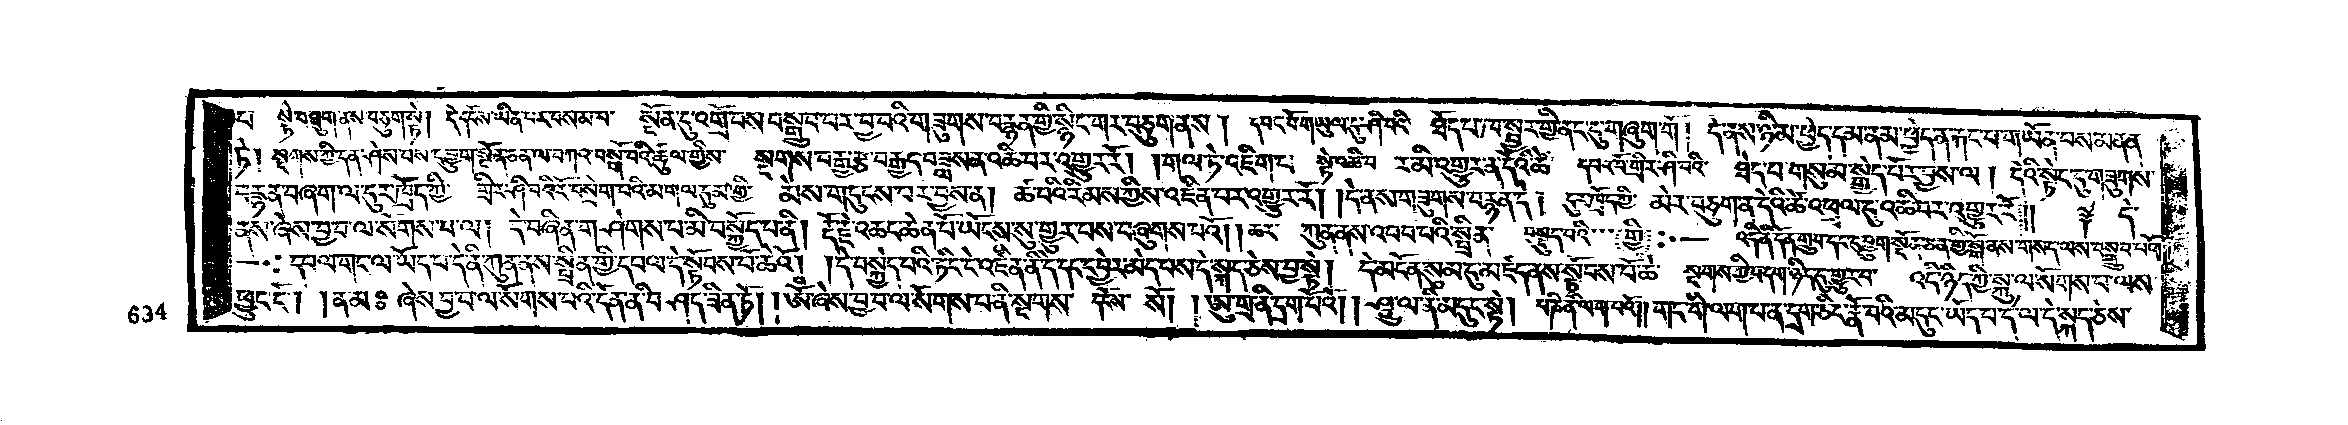པ་སྟེ་བ་ཀུག་ནས་བཅུག་སྟེ། དེ་དངོས་ཡིན་པར་བསམ་པ་སྔོན་དུ་འགྲོ་བས་བསྒྲུབ་པར་བྱ་བའི་གཟུགས་བརྙན་གྱི་སྙིང་གར་བཅུག་ནས། དབང་བོ་གཡུལ་དུ་ཤི་བའི་ཐོད་པ་ཁ་སྦྱར་གྱི་ནང་དུ་གཞུག་གོ། དེ་ནས་ཉི་མ་ཕྱེད་དམ་ནམ་ཕྱེད་ན་རྐང་པ་གཡོན་པས་མནན་
ཏེ། སྔགས་ཀྱི་དན་ཤེས་པས་དབྱུག་སྔོན་ཅན་ལ་བཀའ་བསྒོ་བའི་ཚུལ་གྱིས་ཆ་སྔགས་བརྒྱ་རྩ་བརྒྱད་བཟླས་ན་འཆི་བར་འགྱུར་རོ། །གལ་ཏེ་འཇིག་པ་སྟེ་འཆི་བར་མི་འགྱུར་ན་དེའི་ཚེ་དཔའ་བོ་གྲིར་ཤི་བའི་ཐེད་པ་གསུམ་སྒྱེད་པོར་བྱས་ལ། དེའི་སྟེང་དུ་གཟུགས་
བརྙན་བཞག་ལ་དུར་ཁྲོད་ཀྱི་གྲར་ཤི་བའི་རོ་བསྲེག་པའི་མགལ་དུམ་གྱི་མེས་གདུངས་པར་བྱས་ན། ཚ་བའི་རིམས་ཀྱིས་འཛིན་པར་འགྱུར་རོ། །དེ་ནས་གཟུགས་བརྙན་དེ། དུར་ཁྲོད་ཀྱི་མེར་བཅུག་ན་དེའི་ཚེ་འཕྲལ་དུ་འཆི་བར་འགྱུར་རོ།། ༈ དེ་
ནས་ཞེས་བྱ་བ་ལ་སོགས་པ་ལ། དེ་བཞིན་གཤེགས་པ་མི་བསྐྱོད་པ་ནི། རྡོ་རྗེ་འཆང་ཆེན་པོ་ཡོངས་སུ་གྱུར་པས་བཞུགས་པའོ། ། ཆར་ཀུན་ནས་འབབ་པའི་སྤྲིན་བསྡུད་པའི་གྱིཿ་འདི་ནི་དོན་གྲུབ་དང་དབྱུག་སྔོན་ཅན་གྱི་སྒོ་ནས་གསད་ལས་བསྒྲུབ་པའོ།།
.H དཔལ་གང་ལ་ཡོད་པ་དེ་ནི་ཀུན་ནས་སྤྲིན་གྱི་དཔལ་དེ་སྟོབས་པོ་ཆེའོ། །དེ་བསྐྱེད་པའི་ཏིང་ངེ་འཛིན་ནི་དེ་དང་དབྱེར་མེད་པས་དེ་སྐད་ཅེས་བྱ་སྟེ། དེ་མངོན་སུམ་དུ་མཛད་ནས་སྟོབས་པོ་ཆེ་སྔགས་ཀྱང་བདག་ཉིད་དུ་གྱུར་བ་འདི་ཉིད་ཀྱི་སྐུ་ལ་སོགས་པ་ལས་
ཕྱུང་ངོ། །ན་མཿ ཞེས་བྱ་བ་ལ་སོགས་པའི་དོན་ནི་བཤད་ཟིན་ཏོ། །ཨོཾ་ཞེས་བྱ་བ་ལ་སོགས་པ་ནི་སྔགས་དངོས་སོ། །ཨུ་གྲ་ནི་དྲག་པོའོ། །ཤཱུ་ལ་ནི་མདུང་སྟེ། པ་ཎི་ནི་ལག་པའོ། །གང་གི་ལག་པ་ན་དྲག་ཅིང་རྣོ་བའི་མདུང་ཡོད་པ་དེ་ལ་དེ་སྐད་ཅེས་